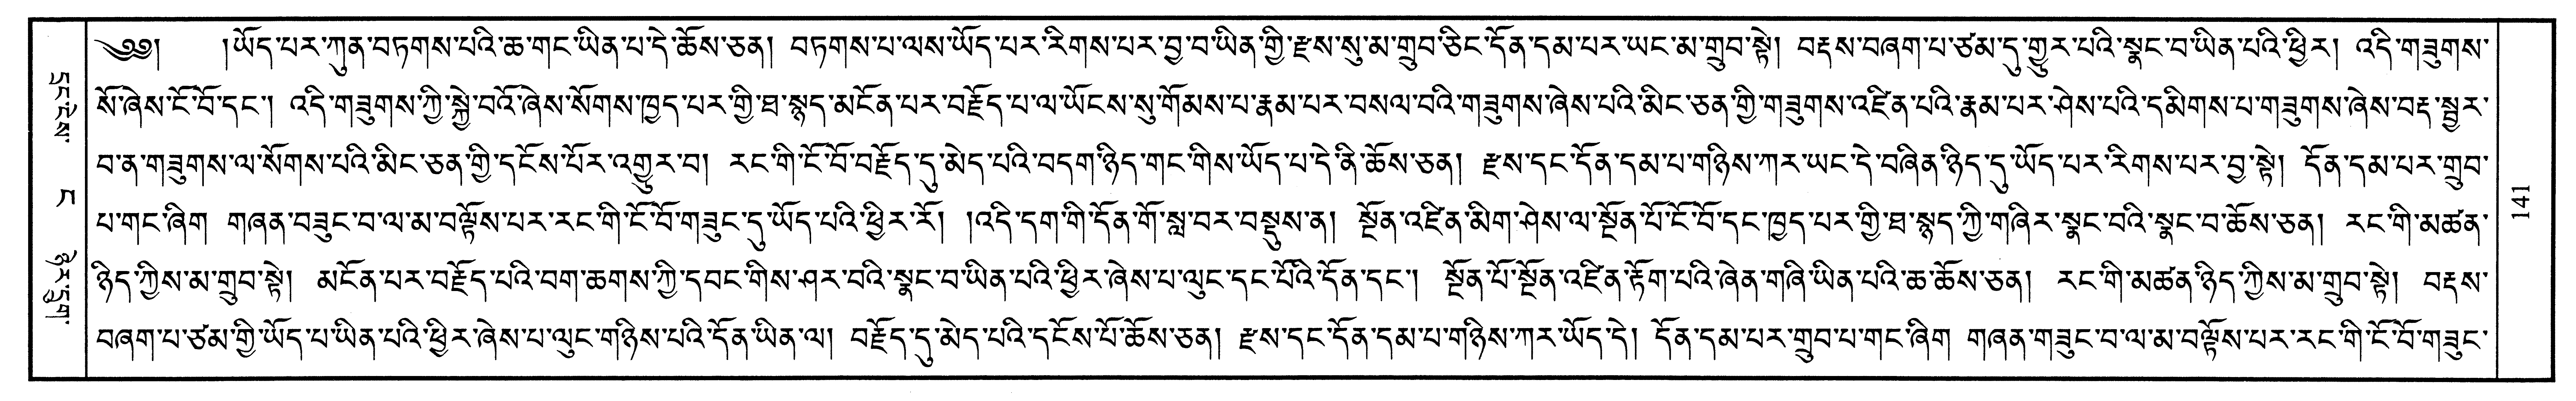༄༅། །ཡོད་པར་ཀུན་བཏགས་པའི་ཆ་གང་ཡིན་པ་དེ་ཆོས་ཅན། །བཏགས་པ་ལས་ཡོད་པར་རིགས་པར་བྱ་བ་ཡིན་གྱི་རྫས་སུ་མ་གྲུབ་ཅིང་དོན་དམ་པར་ཡང་མ་གྲུབ་སྟེ། བརྡས་བཞག་པ་ཙམ་དུ་གྱུར་པའི་སྣང་བ་ཡིན་པའི་ཕྱིར། འདི་གཟུགས་
སོ་ཞེས་ངོ་བོ་དང་། འདི་གཟུགས་ཀྱི་སྐྱེ་བའོ་ཞེས་སོགས་ཁྱད་པར་གྱི་ཐ་སྙད་མངོན་པར་བརྗོད་པ་ལ་ཡོངས་སུ་གོམས་པ་རྣམ་པར་བསལ་བའི་གཟུགས་ཞེས་པའི་མིང་ཅན་གྱི་གཟུགས་འཛིན་པའི་རྣམ་པར་ཤེས་པའི་དམིགས་པ་གཟུགས་ཞེས་བརྡ་སྦྱར་
བ་ན་གཟུགས་ལ་སོགས་པའི་མིང་ཅན་གྱི་དངོས་པོར་འགྱུར་བ། རང་གི་ངོ་བོ་བརྗོད་དུ་མེད་པའི་བདག་ཉིད་གང་གིས་ཡོད་པ་དེ་ནི་ཆོས་ཅན། རྫས་དང་དོན་དམ་པ་གཉིས་ཀར་ཡང་དེ་བཞིན་ཉིད་དུ་ཡོད་པར་རིགས་པར་བྱ་སྟེ། དོན་དམ་པར་གྲུབ་
པ་གང་ཞིག་གཞན་བཟུང་བ་ལ་མ་བལྟོས་པར་རང་གི་ངོ་བོ་གཟུང་དུ་ཡོད་པའི་ཕྱིར་རོ། །འདི་དག་གི་དོན་གོ་སླ་བར་བསྡུས་ན། སྔོན་འཛིན་མིག་ཤེས་ལ་སྔོན་པོ་ངོ་བོ་དང་ཁྱད་པར་གྱི་ཐ་སྙད་ཀྱི་གཞིར་སྣང་བའི་སྣང་བ་ཆོས་ཅན། རང་གི་མཚན་
ཉིད་ཀྱིས་མ་གྲུབ་སྟེ། མངོན་པར་བརྗོད་པའི་བག་ཆགས་ཀྱི་དབང་གིས་ཤར་བའི་སྣང་བ་ཡིན་པའི་ཕྱིར་ཞེས་པ་ལུང་དང་པོའི་དོན་དང་། སྔོན་པོ་སྔོན་འཛིན་རྟོག་པའི་ཞེན་གཞི་ཡིན་པའི་ཆ་ཆོས་ཅན། རང་གི་མཚན་ཉིད་ཀྱིས་མ་གྲུབ་སྟེ། བརྡས་
བཞག་པ་ཙམ་གྱི་ཡོད་པ་ཡིན་པའི་ཕྱིར་ཞེས་པ་ལུང་གཉིས་པའི་དོན་ཡིན་ལ། བརྗོད་དུ་མེད་པའི་དངོས་པོ་ཆོས་ཅན། རྫས་དང་དོན་དམ་པ་གཉིས་ཀར་ཡོད་དེ། དོན་དམ་པར་གྲུབ་པ་གང་ཞིག་གཞན་གཟུང་བ་ལ་མ་བལྟོས་པར་རང་གི་ངོ་བོ་གཟུང་